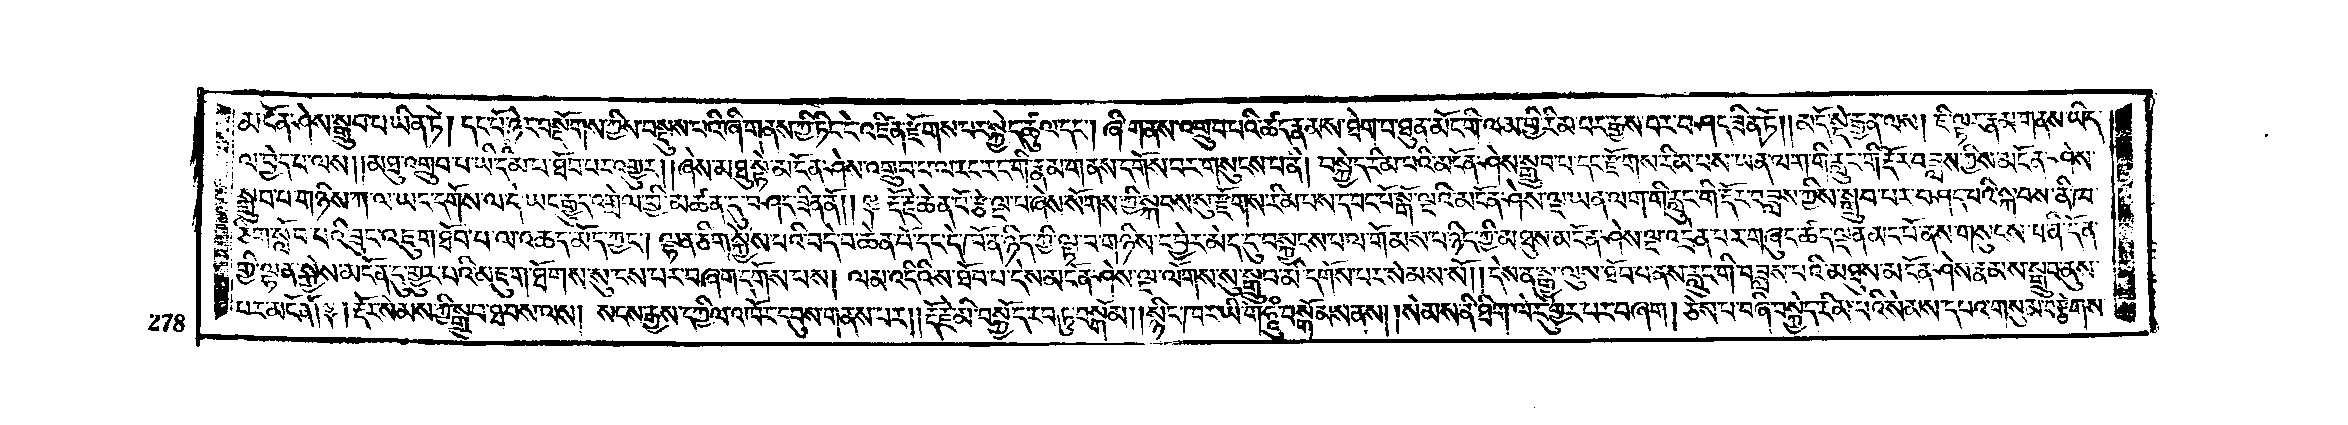མངོན་ཤེས་སྒྲུབ་པ་ཡིན་ཏེ། དང་པོ་ཉེར་བསྡོགས་ཀྱིས་བསྡུས་པའི་ཞི་གནས་ཀྱི་ཏིང་ངེ་འཛིན་རྫོགས་པར་སྐྱེད་ཚུལ་དང་། ཞི་གནས་འགྲུབ་པའི་ཚད་རྣམས་ཐེག་པ་ཐུན་མོང་གི་ལམ་གྱི་རིམ་པར་རྒྱས་པར་བཤད་ཟིན་ཏོ། །མདོ་སྡེ་རྒྱན་ལས། ཇི་ལྟར་རྣམ་གནས་ཡིད་
ལ་བྱེད་པ་ལས། །མཐུ་འགྲུབ་པ་ཡི་དམ་པ་ཐོབ་པར་འགྱུར། །ཞེས་མཐུ་སྟེ་མངོན་ཤེས་འགྲུབ་པ་ལ་རང་རང་གི་རྣམ་གནས་དགོས་པར་གསུངས་པ་ནི། བསྐྱེད་རིམ་པའི་མངོན་ཤེས་སྒྲུབ་པ་དང་རྫོགས་རིམ་པས་ཡན་ལག་གི་རླུང་གི་རྡོར་བཟླས་ཀྱིས་མངོན་ཤེས་
སྒྲུབ་པ་གཉིས་ཀ་ལ་ཡང་དགོས་ལ་དེ་ཡང་རྒྱུད་འགྲེལ་གྱི་མཚན་དུ་བཤད་ཟིན་ནོ།། ༈ རྡོ་རྗེ་ཆེན་པོ་རྩེ་ལྔ་པ་ཞེས་སོགས་ཀྱི་སྐབས་སུ་རྫོགས་རིམ་པས་དབང་པོ་སྒོ་ལྔའི་མངོན་ཤེས་ལྔ་ཡན་ལག་གི་རླུང་གི་རྡོར་བཟླས་ཀྱིས་སྒྲུབ་པར་བཤད་པའི་སྐབས་ནི་ཁ་
ཅིག་སློབ་པའི་ཟུང་འཇུག་ཐོབ་པ་ལ་འཆད་མོད་ཀྱང་། ལྷན་ཅིག་སྐྱེས་པའི་བདེ་བ་ཆེན་པོ་དང་དེ་ཁོ་ན་ཉིད་ཀྱི་ལྟ་བ་གཉིས་དབྱེར་མེད་དུ་བསྐྱངས་པ་ལ་གོམས་པ་ཉིད་ཀྱི་མཐུས་མངོན་ཤེས་ལྔ་འདྲེན་པར་གཞུང་ཚད་ལྡན་མང་པོ་ནས་གསུངས་པ་ནི་དོན་
གྱི་ལྷན་སྐྱེས་མངོན་དུ་གྱུར་པའི་མཇུག་ཐོགས་སུ་ངེས་པར་བཞག་དགོས་པས། ལམ་འདིའི་ས་ཐོབ་པ་དེས་མངོན་ཤེས་ལྔ་ལོགས་སུ་སྒྲུབ་མི་དགོས་པར་སེམས་སོ། །དེས་ན་སྒྱུ་ལུས་ཐོབ་པ་ནས་རླུང་གི་བཟླས་པའི་མཐུས་མངོན་ཤེས་རྣམས་སྒྲུབ་ནུས་
པར་མངོན་ནོ། ༈ །རྡོར་སེམས་ཀྱི་སྒྲུབ་ཐབས་ལས། སངས་རྒྱས་དཀྱིལ་འཁོར་དབུས་གནས་པར། །རྡོ་རྗེ་མི་བསྐྱོད་རབ་ཏུ་བསྒོམ། །སྙིང་ཁར་ཡི་གེ་ཧཱུཾ་བསྒོམས་ནས། །སེམས་ནི་ཐིག་ལེར་གྱུར་པར་བཞག །ཅེས་པ་བཞི་བསྐྱེད་རིམ་པའི་སེམས་དཔའ་གསུམ་བརྩེགས་